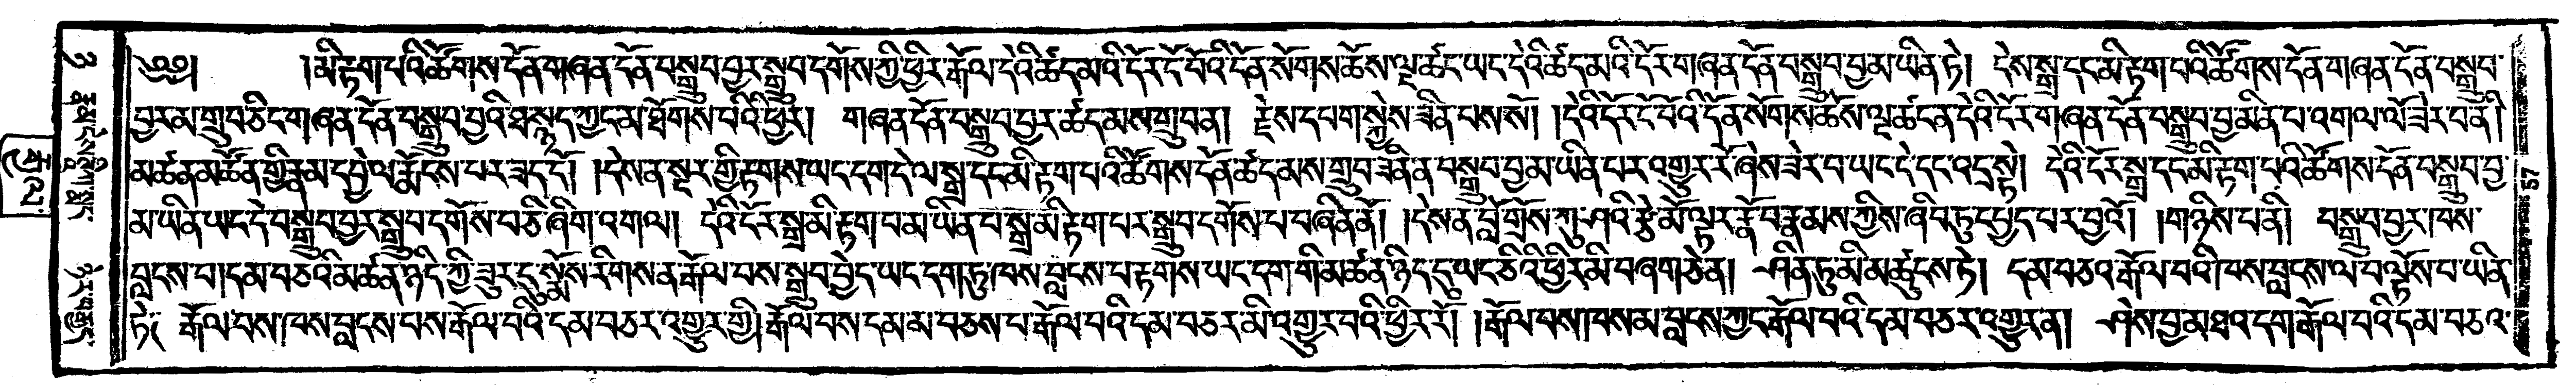༄༅། །མི་རྟག་པའི་ཚོགས་དོན་གཞན་དོན་བསྒྲུབ་བྱར་སྒྲུབ་དགོས་ཀྱི་ཕྱིར་རྒོལ་དེའི་ཚད་མའི་དོར་ངོ་བོའི་དོན་སོགས་ཆོས་ལྔ་ཚང་ཡང་དེའི་ཚད་མའི་དོར་གཞན་དོན་བསྒྲུབ་བྱ་མ་ཡིན་ཏེ། དེས་སྒྲ་དང་མི་རྟག་པའི་ཚོགས་དོན་གཞན་དོན་བསྒྲུབ་
བྱར་མ་གྲུབ་ཅིང་གཞན་དོན་བསྒྲུབ་བྱའི་ཐ་སྙད་ཀྱང་མ་ཐོགས་པའི་ཕྱིར། གཞན་དོན་བསྒྲུབ་བྱར་ཚད་མས་གྲུབ་ན། རྗེས་དཔག་སྐྱེས་ཟིན་པས་སོ། །དེའི་དོར་ངོ་བོའི་དོན་སོགས་ཆོས་ལྔ་ཚང་ན་དེའི་དོར་གཞན་དོན་བསྒྲུབ་བྱ་མིན་པ་འགལ་ལོ་ཟེར་བ་ནི།
མཚན་མཚོན་གྱི་རྣམ་དབྱེ་ལ་རྨོངས་པར་ཟད་དོ། །དེས་ན་སྔར་གྱི་རྟགས་ཡང་དག་དེ་ལ་སྒྲ་དང་མི་རྟག་པའི་ཚོགས་དོན་ཚད་མས་གྲུབ་ཟིན་ན་བསྒྲུབ་བྱ་མ་ཡིན་པར་འགྱུར་རོ་ཞེས་ཟེར་བ་ཡང་དེ་དང་འདྲ་སྟེ། དེའི་ངོར་སྒྲ་དང་མི་རྟག་པའི་ཚོགས་དོན་བསྒྲུབ་བྱ་
མ་ཡིན་ཡང་དེ་བསྒྲུབ་བྱར་སྒྲུབ་དགོས་པ་ཅི་ཞིག་འགལ། དེའི་ངོར་སྒྲ་མི་རྟག་པ་མ་ཡིན་པ་སྒྲ་མི་རྟག་པར་སྒྲུབ་དགོས་པ་བཞིན་ནོ། །དེས་ན་བློ་གྲོས་ཀུ་ཤའི་རྩེ་མོ་ལྟར་རྣོ་བ་རྣམས་ཀྱིས་ཞིབ་ཏུ་དཔྱད་པར་བྱའོ། །གཉིས་པ་ནི། བསྒྲུབ་བྱར་ཁས་
བླངས་པ། དམ་བཅའི་མཚན་ཉིད་ཀྱི་ཟུར་དུ་སྨོས་རིགས་ན་རྒོལ་བས་སྒྲུབ་བྱེད་ཡང་དག་ཏུ་ཁས་བླངས་པ་རྟགས་ཡང་དག་གི་མཚན་ཉིད་དུ་ཡང་ཅིའི་ཕྱིར་མི་བཞག་ཅེ་ན། ཤིན་ཏུ་མི་མཚུངས་ཏེ། དམ་བཅའ་རྒོལ་བའི་ཁས་བླངས་ལ་བལྟོས་པ་ཡིན་
ཏེ༑ རྒོལ་བས་ཁས་བླངས་པས་རྒོལ་བའི་དམ་བཅར་འགྱུར་གྱི། རྒོལ་བས་དམ་མ་བཅས་པ་རྒོལ་བའི་དམ་བཅར་མི་འགྱུར་བའི་ཕྱིར་རོ། །རྒོལ་བས་ཁས་མ་བླངས་ཀྱང་རྒོལ་བའི་དམ་བཅར་འགྱུར་ན། ཤེས་བྱ་མཐའ་དག་རྒོལ་བའི་དམ་བཅའ་